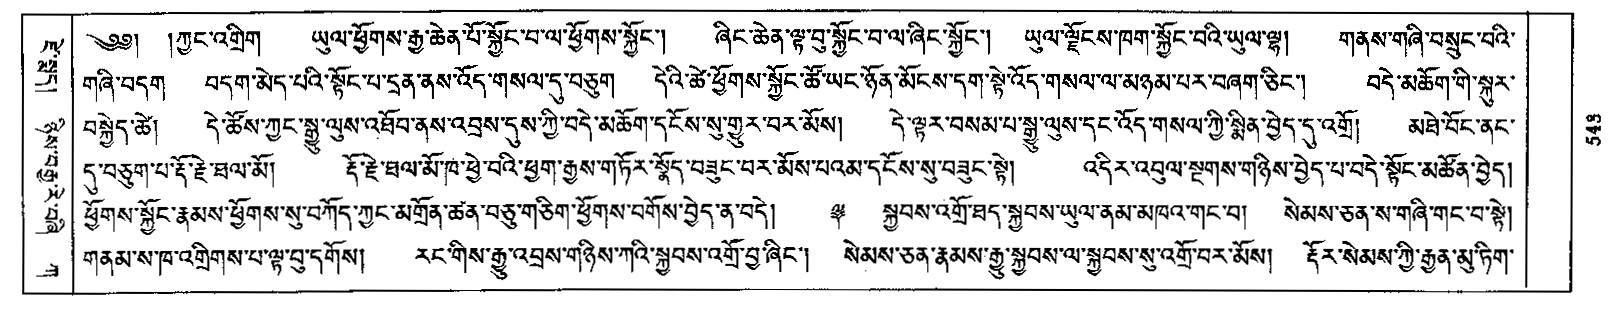༄༅། །ཀྱང་འགྲིག་ཡུལ་ཕྱོགས་རྒྱ་ཆེན་པོ་སྐྱོང་བ་ལ་ཕྱོགས་སྐྱོང་། ཞིང་ཆེན་ལྟ་བུ་སྐྱོང་བ་ལ་ཞིང་སྐྱོང་། ཡུལ་ལྗོངས་ཁག་སྐྱོང་བའི་ཡུལ་ལྷ། གནས་གཞི་བསྲུང་བའི་
གཞི་བདག་བདག་མེད་པའི་སྟོང་པ་དྲན་ནས་འོད་གསལ་དུ་བཅུག་དེའི་ཚེ་ཕྱོགས་སྐྱོང་ཚོ་ཡང་ཉོན་མོངས་དག་སྟེ་འོད་གསལ་ལ་མཉམ་པར་བཞག་ཅིང་། བདེ་མཆོག་གི་སྐུར་
བསྐྱེད་ཚེ། དེ་ཚོས་ཀྱང་སྒྱུ་ལུས་འཐོབ་ནས་འབྲས་དུས་ཀྱི་བདེ་མཆོག་དངོས་སུ་གྱུར་བར་མོས། དེ་ལྟར་བསམ་པ་སྒྱུ་ལུས་དང་འོད་གསལ་ཀྱི་སྨིན་བྱེད་དུ་འགྲོ། མཐེ་བོང་ནང་
དུ་བཅུག་པ་རྡོ་རྗེ་ཐལ་མོ། རྡོ་རྗེ་ཐལ་མོ་ཁ་ཕྱེ་བའི་ཕྱག་རྒྱས་གཏོར་སྣོད་བཟུང་བར་མོས་པའམ་དངོས་སུ་བཟུང་སྟེ། འདིར་འབུལ་སྔགས་གཉིས་བྱེད་པ་བདེ་སྟོང་མཚོན་བྱེད།
ཕྱོགས་སྐྱོང་རྣམས་ཕྱོགས་སུ་བཀོད་ཀྱང་མགྲོན་ཚན་བཅུ་གཅིག་ཕྱོགས་བགོས་བྱེད་ན་བདེ། ༈ སྐྱབས་འགྲོ་ཐད་སྐྱབས་ཡུལ་ནམ་མཁའ་གང་བ། སེམས་ཅན་ས་གཞི་གང་བ་སྟེ།
གནམ་ས་ཁ་འགྲིགས་པ་ལྟ་བུ་དགོས། རང་གིས་རྒྱུ་འབྲས་གཉིས་ཀའི་སྐྱབས་འགྲོ་བྱ་ཞིང་། སེམས་ཅན་རྣམས་རྒྱུ་སྐྱབས་ལ་སྐྱབས་སུ་འགྲོ་བར་མོས། རྡོར་སེམས་ཀྱི་རྒྱན་མུ་ཏིག་